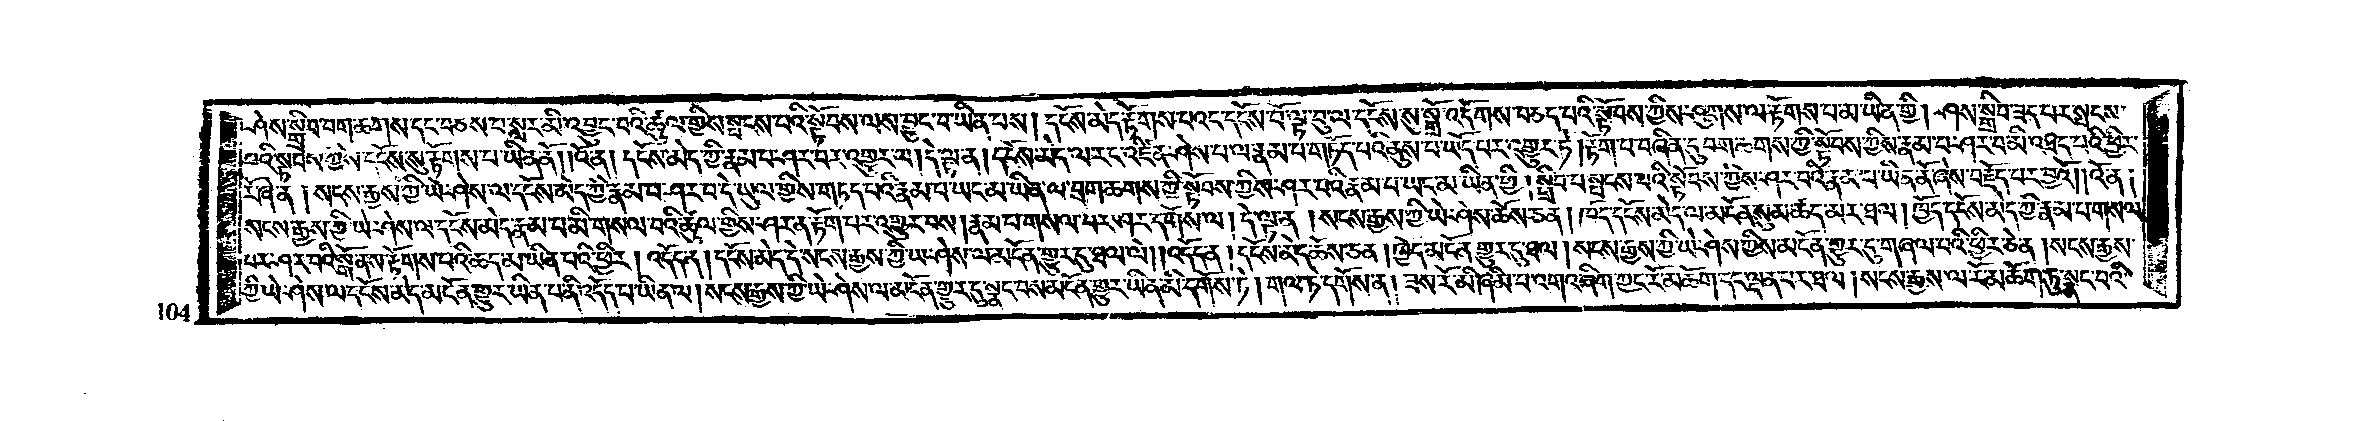ཤེས་སྒྲིབ་བག་ཆགས་དང་བཅས་པ་སླར་མི་འབྱུང་བའི་ཚུལ་གྱིས་སྤངས་པའི་སྟོབས་ལས་བྱུང་བ་ཡིན་པས། དངོས་མེད་རྟོགས་པའང་དངོས་པོ་ལྟ་བུ་ལ་དངོས་སུ་སྒྲོ་འདོགས་བཅད་པའི་སྟོབས་ཀྱིས་ཤུགས་ལ་རྟོགས་པ་མ་ཡིན་གྱི། ཤེས་སྒྲིབ་ཟད་པར་སྤངས་
པའི་སྟོབས་ཀྱིས་དངོས་སུ་རྟོགས་པ་ཡིན་ནོ། །འོ་ན། དངོས་མེད་ཀྱི་རྣམ་པ་ཤར་བར་འགྱུར་ལ། དེ་ལྟ་ན། དངོས་མེད་ལ་རང་འཛིན་ཤེས་པ་ལ་རྣམ་པ་གཏོད་པའི་ནུས་པ་ཡོད་པར་འགྱུར་ཏེ། རྟོག་པ་བཞིན་དུ་བག་ཆགས་ཀྱི་སྟོབས་ཀྱིས་རྣམ་པ་ཤར་བ་མི་འཐད་པའི་ཕྱིར་
རོ་ཞེ་ན། སངས་རྒྱས་ཀྱི་ཡེ་ཤེས་ལ་དངོས་མེད་ཀྱི་རྣམ་པ་ཤར་བ་དེ་ཡུལ་གྱིས་གཏད་པའི་རྣམ་པ་ཡང་མ་ཡིན་པ་བག་ཆགས་ཀྱི་སྟོབས་ཀྱིས་ཤར་བའི་རྣམ་པ་ཡང་མ་ཡིན་གྱི། སྒྲིབ་པ་སྤངས་པའི་སྟོབས་ཀྱིས་ཤར་བའི་རྣམ་པ་ཡིན་ནོ་ཞེས་བརྗོད་པར་བྱའོ། །འོ་ན།
སངས་རྒྱས་ཀྱི་ཡེ་ཤེས་ལ་དངོས་མེད་རྣམ་པ་མི་གསལ་བའི་ཚུལ་གྱིས་ཤར་ན་རྟོག་པར་འགྱུར་བས། རྣམ་པ་གསལ་བར་ཤར་དགོས་ལ། དེ་ལྟ་ན། སངས་རྒྱས་ཀྱི་ཡེ་ཤེས་ཆོས་ཅན། ཁྱོད་དངོས་མེད་ལ་མངོན་སུམ་ཚད་མར་ཐལ། ཁྱོད་དངོས་མེད་ཀྱི་རྣམ་པ་གསལ་
བར་ཤར་བའི་སྒོ་ནས་རྟོགས་པའི་ཚད་མ་ཡིན་པའི་ཕྱིར། འདོད་ན། དངོས་མེད་དེ་སངས་རྒྱས་ཀྱི་ཡེ་ཤེས་ལ་མངོན་གྱུར་དུ་ཐལ་ལོ། །འདོད་ན། དངོས་མེད་ཆོས་ཅན། ཁྱོད་མངོན་གྱུར་དུ་ཐལ། སངས་རྒྱས་ཀྱི་ཡེ་ཤེས་ཀྱིས་མངོན་གྱུར་དུ་གཞལ་བའི་ཕྱིར་ཅེ་ན། སངས་རྒྱས་
ཀྱི་ཡེ་ཤེས་ལ་དངོས་མེད་མངོན་གྱུར་ཡིན་པ་ནི་འདོད་པ་ཡིན་ལ། སངས་རྒྱས་ཀྱི་ཡེ་ཤེས་ལ་མངོན་གྱུར་དུ་སྣང་བས་མངོན་གྱུར་ཡིན་མི་དགོས་ཏེ། གལ་ཏེ་དགོས་ན། ཟས་རོ་མི་ཞིམ་པ་འགའ་ཞིག་ཀྱང་རོ་མཆོག་དང་ལྡན་པར་ཐལ། སངས་རྒྱས་ལ་རོ་མཆོག་ཏུ་སྣང་བའི་